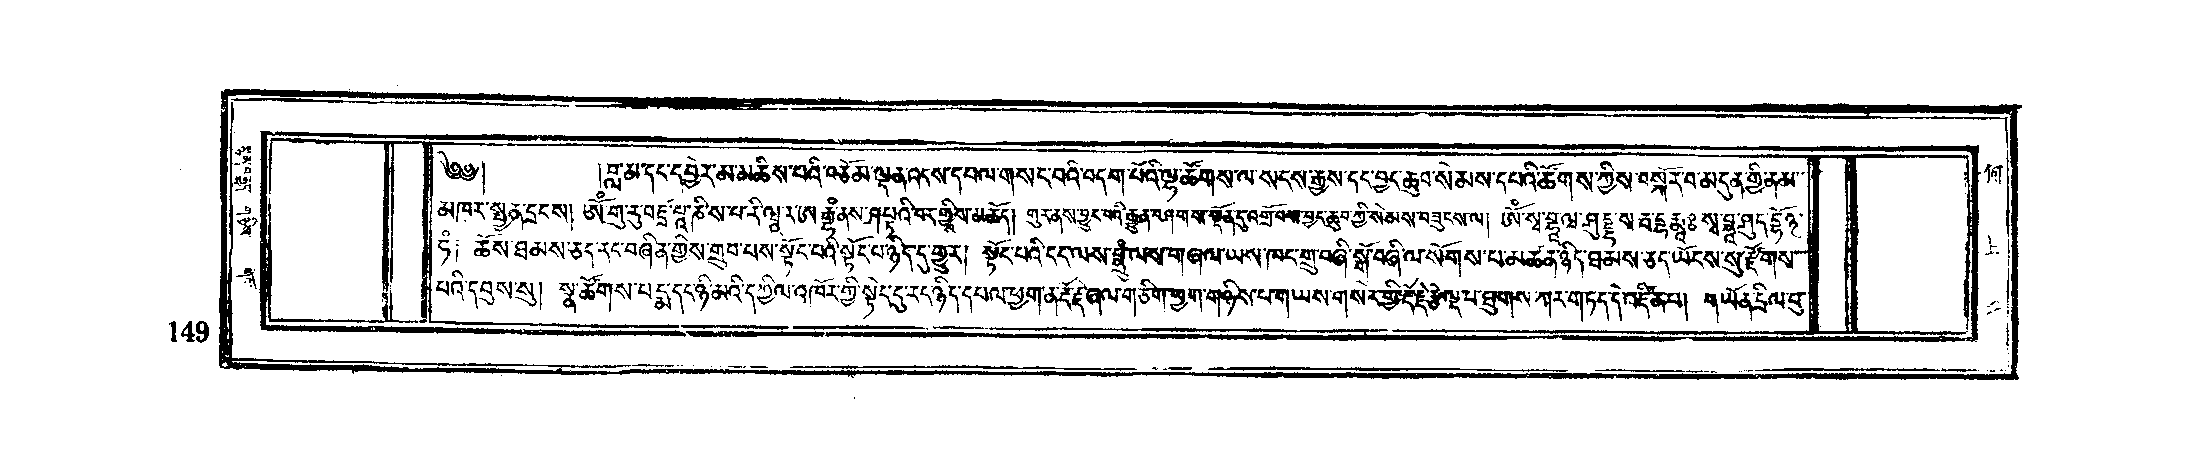༄༅། །བླ་མ་དང་དབྱེར་མ་མཆིས་པའི་བཅོམ་ལྡན་འདས་དཔལ་གསང་བའི་བདག་པོའི་ལྷ་ཚོགས་ལ་སངས་རྒྱས་དང་བྱང་ཆུབ་སེམས་དཔའི་ཚོགས་ཀྱིས་བསྐོར་བ་མདུན་གྱི་ནམ་
མཁར་སྤྱན་དྲངས། ཨོཾ་གུ་རུ་བཛྲ་པཱ་ཎི་ས་པ་རི་ཝཱ་ར་ཨརྒྷཾ་ནས་ཤཔྟའི་བར་གྱིས་མཆོད། གུར་ནས་བྱུང་བའི་རྒྱུན་བཤགས་སྔོན་དུ་འགྲོ་བས་བྱང་ཆུབ་ཀྱི་སེམས་བཟུངས་ལ། ཨོཾ་སྭ་བྷཱ་ཝ་ཤུདྡྷ་སརྦ་དྷ་རྨའཿ སྭ་བྷཱ་ཤུད་དྷོ་ཉ་
ཧཾ། ཆོས་ཐམས་ཅད་རང་བཞིན་གྱིས་གྲུབ་པས་སྟོང་པའི་སྟོང་པ་ཉིད་དུ་གྱུར། སྟོང་པའི་ངང་ལས་བྷྲུཾ་ལས་གཞལ་ཡས་ཁང་གྲུ་བཞི་སྒོ་བཞི་ལ་སོགས་པ་མཚན་ཉིད་ཐམས་ཅད་ཡོངས་སུ་རྫོགས་
པའི་དབུས་སུ། སྣ་ཚོགས་པདམ་དང་ཉི་མའི་དཀྱིལ་འཁོར་གྱི་སྟེང་དུ་རང་ཉིད་དཔལ་ཕྱག་ན་རྡོ་རྗེ་ཞལ་གཅིག་ཕྱག་གཉིས་པ་གཡས་གསེར་གྱི་རྡོ་རྗེ་རྩེ་ལྔ་པ་ཐུགས་ཀར་གཏད་དེ་འཛིན་པ། གཡོན་དྲིལ་བུ་